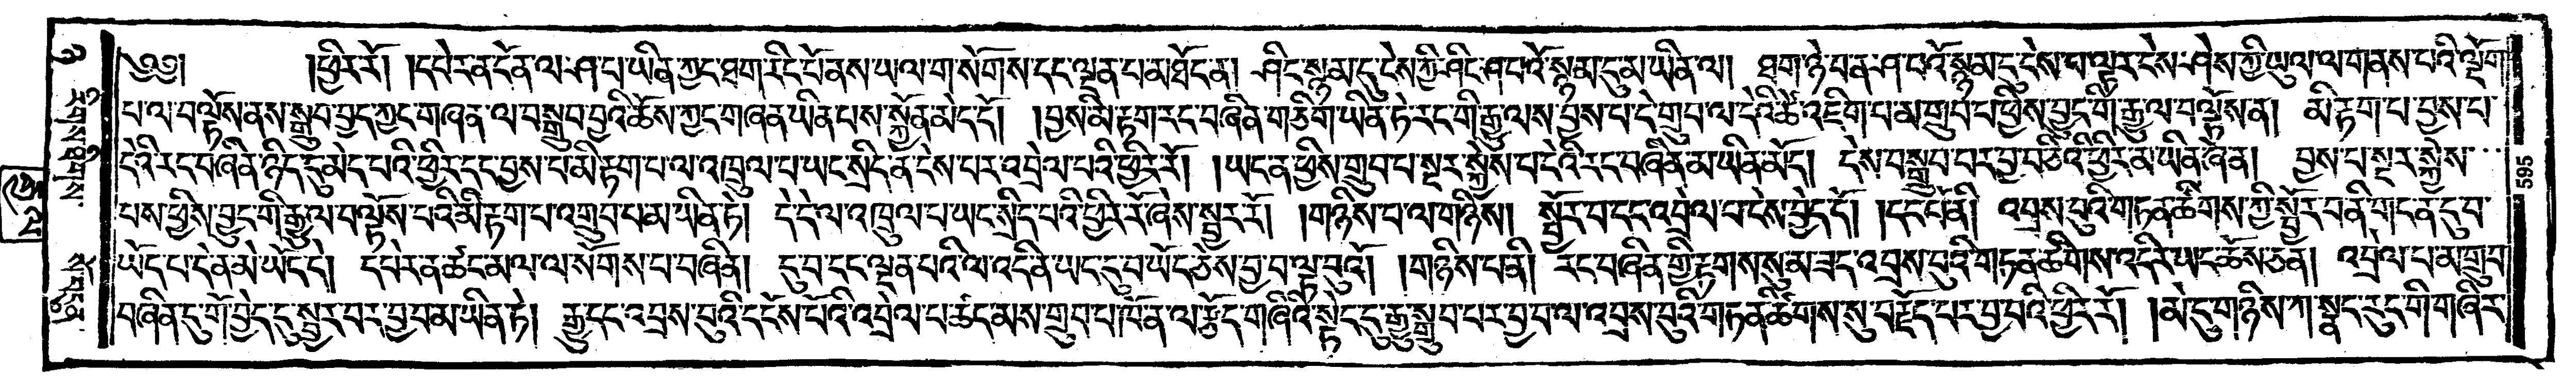༄༅། །ཕྱིར་རོ། །དཔེར་ན་དོན་ལ་ཤ་པ་ཡིན་ཀྱང་ཐག་རིང་པོ་ནས་ཡལ་ག་སོགས་དང་ལྡན་པ་མཐོང་ན། ཤིང་སྙམ་དུ་ངེས་ཀྱི་ཤིང་ཤ་པའོ་སྙམ་དུ་མ་ཡིན་ལ། ཐག་ཉེ་བ་ན་ཤ་པའོ་སྙམ་དུ་ངེས་པ་ལྟར་ངེས་ཤེས་ཀྱི་ཡུལ་ལ་གནས་པའི་ལྡོག་
པ་ལ་བལྟོས་ནས་སྒྲུབ་བྱད་ཀྱང་གཞན་ལ་བསྒྲུབ་བྱའི་ཆོས་ཀྱང་གཞན་ཡིན་པས་སྐྱོན་མེད་དོ། །བྱས་མི་རྟག་རང་བཞིན་གཅིག་ཡིན་ཏེ་རང་གི་རྒྱུ་ལས་བྱས་པ་དེ་གྲུབ་ལ་དེའི་ཚེ་འཇིག་པ་མ་གྲུབ་པ་ཕྱིས་བྱུང་གི་རྒྱུ་ལ་བལྟོས་ན། མི་རྟག་པ་བྱས་པ་
དེའི་རང་བཞིན་ཉིད་དུ་མེད་པའི་ཕྱིར་དང་བྱས་པ་མི་རྟག་པ་ལ་འཁྲུལ་པ་ཡང་སྲིད་ན་ངེས་པར་འབྲེལ་པའི་ཕྱིར་རོ། །ཡང་ན་ཕྱིས་གྲུབ་པ་སྔར་སྐྱེས་པ་དེའི་རང་བཞིན་མ་ཡིན་མོད། དེས་བསྒྲུབ་པར་བྱ་བ་ཅིའི་ཕྱིར་མ་ཡིན་ཞེ་ན། བྱས་པ་སྔར་སྐྱེས་
པས་ཕྱིས་བྱུང་གི་རྒྱུ་ལ་བལྟོས་པའི་མི་རྟག་པ་འགྲུབ་པ་མ་ཡིན་ཏེ། དེ་དེ་ལ་འཁྲུལ་པ་ཡང་སྲིད་པའི་ཕྱིར་རོ་ཞེས་སྦྱར་རོ། །གཉིས་པ་ལ་གཉིས། སྦྱོར་བ་དང་འབྲེལ་པ་ངེས་བྱེད་དོ། །དང་པོ་ནི། འབྲས་བུའི་གཏན་ཚིགས་ཀྱི་སྦྱོར་བ་ནི་གང་ན་དུ་བ་
ཡོད་པ་དེ་ན་མེ་ཡོད་དེ། དཔེར་ན་ཚང་མལ་ལ་སོགས་པ་བཞིན། དུ་བ་དང་ལྡན་པའི་ལ་འདི་ན་ཡང་དུ་བ་ཡོད་ཅེས་བྱ་བ་ལྟ་བུའོ། །གཉིས་པ་ནི། རང་བཞིན་གྱི་རྟགས་སུ་མ་ཟད་འབྲས་བུའི་གཏན་ཚིགས་འདིར་ཡང་ཆོས་ཅན། འབྲེལ་པ་མ་གྲུབ་
བཞིན་དུ་གོ་བྱེད་དུ་སྦྱར་བར་བྱ་བ་མ་ཡིན་ཏེ། རྒྱུ་དང་འབྲས་བུའི་དངོས་པོའི་འབྲེལ་པ་ཚད་མས་གྲུབ་པ་ཁོ་ན་ལ་རྩོད་གཞིའི་སྟེང་དུ་རྒྱུ་སྒྲུབ་པར་བྱ་བ་ལ་འབྲས་བུའི་གཏན་ཚིགས་སུ་བརྗོད་པར་བྱ་བའི་ཕྱིར་རོ། །མེ་དུ་གཉིས་ཀ་སྣང་རུང་གི་གཞིར་